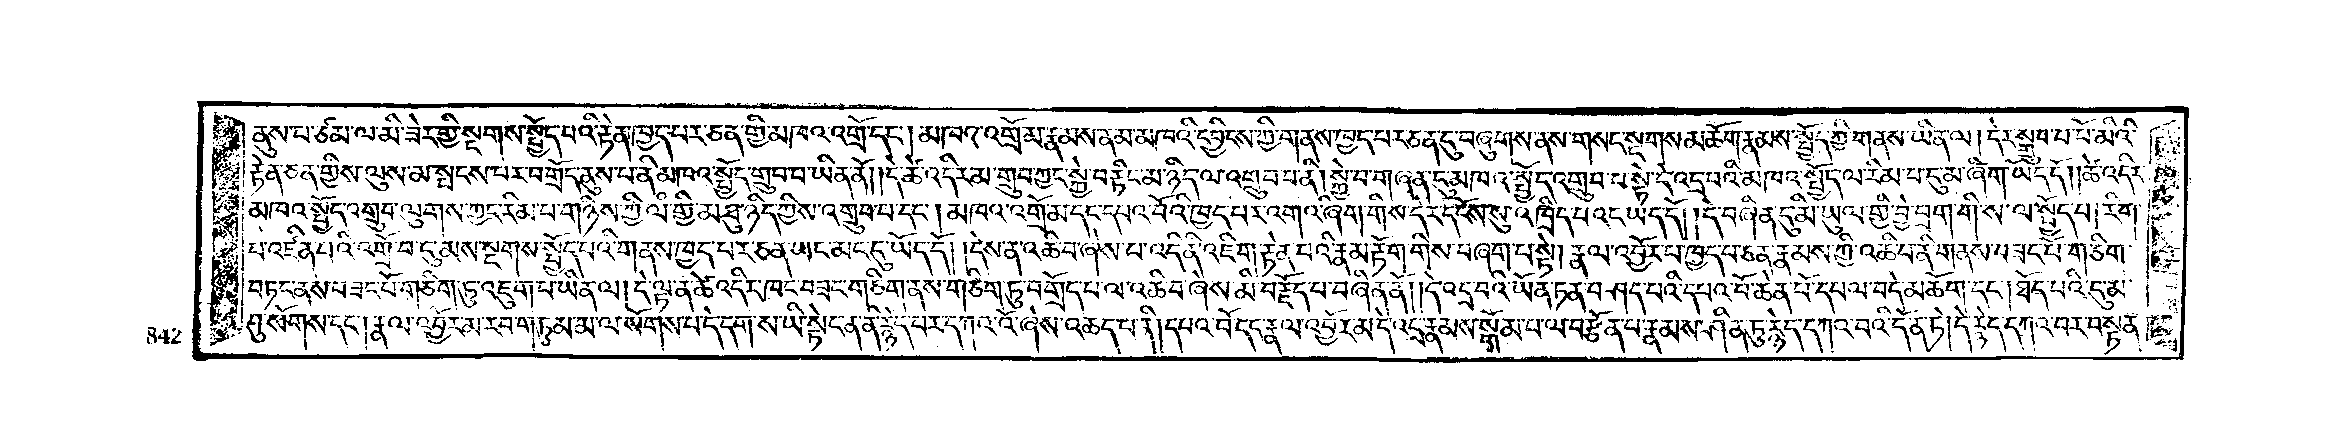ནུས་པ་ཙམ་ལ་མི་ཟེར་གྱི་སྔགས་སྤྱོད་པའི་རྟེན་ཁྱད་པར་ཅན་གྱི་མཁའ་འགྲོ་དང་། མཁའ་འགྲོ་མ་རྣམས་ནམ་མཁའི་དབྱིངས་ཀྱི་གནས་ཁྱད་པར་ཅན་དུ་བཞུགས་ནས་གསང་སྔགས་མཆོག་རྣམས་སྤྱོད་ཀྱི་གནས་ཡིན་ལ། དེར་སྒྲུབ་པ་པོ་མིའི་
རྟེན་ཅན་གྱིས་ལུས་མ་སྤངས་པར་བགྲོད་ནུས་པ་ནི་མཁའ་སྤྱོད་གྲུབ་པ་ཡིན་ནོ། །དེ་ཚེ་འདིར་མ་གྲུབ་ཀྱང་སྐྱེ་བ་རྟིང་མ་ཉིད་ལ་འགྲུབ་པ་ནི། སྐྱེ་བ་གཞན་དུ་མཁའ་སྤྱོད་འགྲུབ་པ་སྟེ་དེ་འདྲ་བའི་མཁའ་སྤྱོད་ལ་རིམ་པ་དུ་མ་ཞིག་ཡོད་དོ། །ཚེ་འདིར་
མཁའ་སྤྱོད་འགྲུབ་ལུགས་ཀྱང་རིམ་པ་གཉིས་ཀྱི་ལམ་གྱི་མཐུ་ཉིད་ཀྱིས་འགྲུབ་པ་དང་། མཁའ་འགྲོ་མ་དང་དཔའ་བོའི་ཁྱད་པར་འགའ་ཞིག་གིས་དེར་དངོས་སུ་འཁྲིད་པའང་ཡོད་དོ། །དེ་བཞིན་དུ་མི་ཡུལ་གྱི་བྱེ་བྲག་གི་ས་ལ་སྤྱོད་པ། རིག་
པ་འཛིན་པའི་འགོ་བ་དུ་མས་སྔགས་སྤྱོད་པའི་གནས་ཁྱད་པར་ཅན་ཡང་མང་དུ་ཡོད་དོ། །དེས་ན་འཆི་བ་ཞེས་པ་འདི་ནི་འཇིག་རྟེན་པའི་རྣམ་རྟོག་གིས་བཞག་པ་སྟེ། རྣལ་འབྱོར་པ་ཁྱད་པ་ཅན་རྣམས་ཀྱི་འཆི་བ་ནི་གནས་བཟང་པོ་གཅིག་
བཏང་ནས་བཟང་པོ་གཅིག་ཏུ་འཇུག་པ་ཡིན་ལ། དེ་ལྟ་ན་ཚེ་འདིར་ཁང་བཟང་གཅིག་ནས་གཅིག་ཏུ་བགྲོད་པ་ལ་འཆི་བ་ཞེས་མི་བརྗོད་པ་བཞིན་ནོ། །དེ་འདྲ་བའི་ཡོན་ཏན་བཤད་པའི་དཔའ་བོ་ཆེན་པོ་དཔལ་བདེ་མཆོག་དང་། ཐོད་པའི་དུམ་
བུ་སོགས་དང་། རྣལ་འབྱོར་མ་རབ་གཏུམ་མ་ལ་སོགས་པ་དེ་དག་ས་ཡི་སྟེང་ན་ནི་རྙེད་པར་དཀའ་འོ་ཞེས་འཆད་པ་ནི། དཔའ་བོ་དང་རྣལ་འབྱོར་མ་དེ་འདྲ་རྣམས་སྒོམ་པ་ལ་བརྩོན་པ་རྣམས་ཤིན་ཏུ་རྙེད་དཀའ་བའི་དོན་ཏེ། དེ་རྙེད་དཀའ་བར་བསྟན་